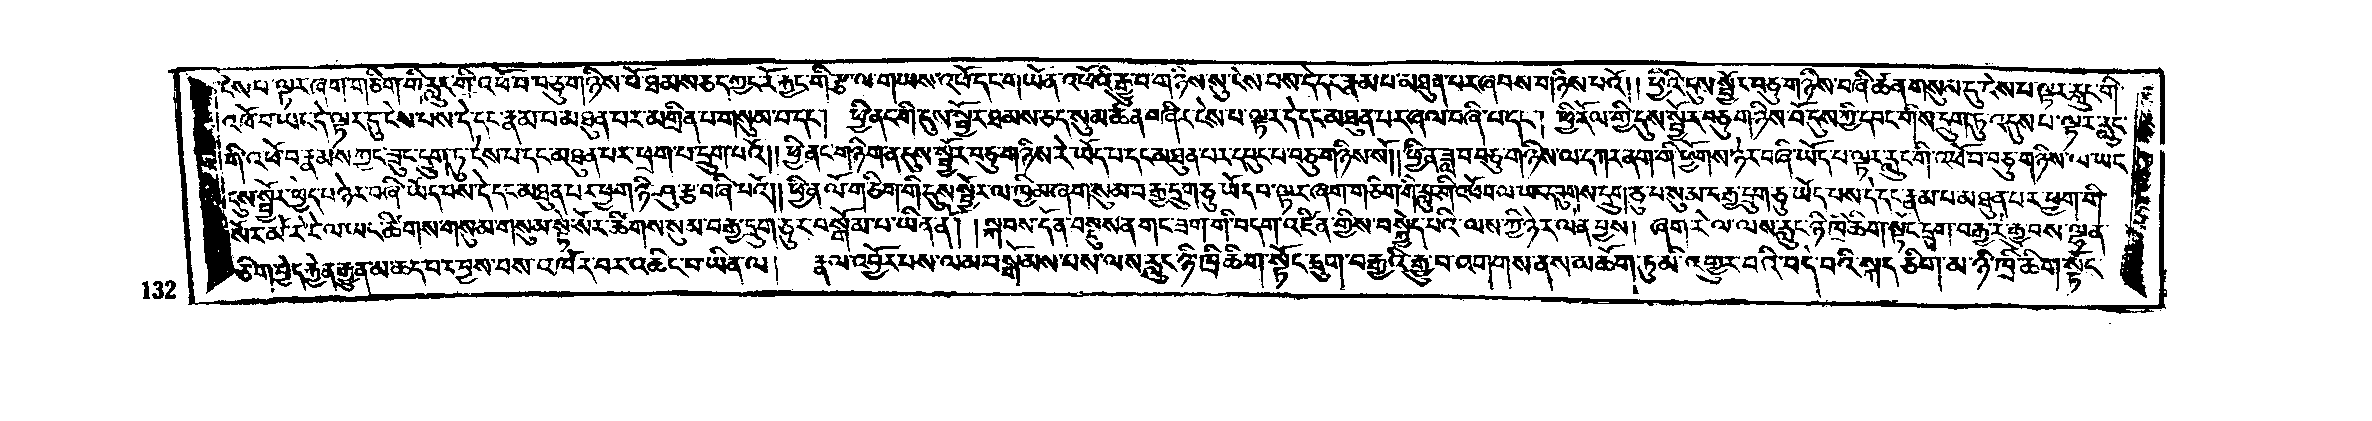ངེས་པ་ལྟར་ཞག་གཅིག་གི་རླུང་གི་འཕོ་བ་བཅུ་གཉིས་པོ་ཐམས་ཅད་ཀྱང་རོ་རྐྱང་གི་རྩ?་ལ་གཡས་འཕོ་དང་གཡོན་འཕོའི་རྒྱུ་བ་གཉིས་སུ་ངེས་པས་དེ་དང་རྣམ་པ་མཐུན་པར་ཞབས་གཉིས་པའོ། །ཕྱིའི་དུས་སྦྱོར་བཅུ་གཉིས་བཞི་ཚན་གསུམ་དུ་ངེས་པ་ལྟར་རླུང་གི་
འཕོ་བ་ཡང་དེ་ལྟར་དུ་ངེས་པས་དེ་དང་རྣམ་པ་མཐུན་པར་མགྲིན་པ་གསུམ་པ་དང་། ཕྱི་ནང་གི་དུས་སྦྱོར་ཐམས་ཅད་སུ་མཚན་བཞིར་ངེས་པ་ལྟར་དེ་དང་མཐུན་པར་ཞལ་བཞི་པ་དང་། ཕྱི་རོལ་གྱི་དུས་སྦྱོར་བཅུ་གཉིས་པོ་དུས་ཀྱི་དབང་གིས་དྲུག་ཏུ་འདུས་པ་ལྟར་རླུང་
གི་འཕོ་བ་རྣམས་ཀྱང་ཟུང་དྲུག་ཏུ་ངེས་པ་དང་མཐུན་པར་ཕྲག་པ་དྲུག་པའོ། །ཕྱི་ནང་གཉི་ག་ན་དུས་སྦྱོར་བཅུ་གཉིས་རེ་ཡོད་པ་དང་མཐུན་པར་དཔུང་པ་བཅུ་གཉིས་སོ། །ཕྱི་ན་ཟླ་བ་བཅུ་གཉིས་ལ་དཀར་ནག་གི་ཕྱོགས་ཉེར་བཞི་ཡོད་པ་ལྟར་རླུང་གི་འཕོ་བ་བཅུ་གཉིས་ལ་ཡང་
དུས་སྦྱོར་ཕྱེད་པ་ཉེར་བཞི་ཡོད་པས་དེ་དང་མཐུན་པར་ཕྱག་ཉི་ཤུ་རྩ་བཞི་པའོ། །ཕྱི་ན་ལོ་གཅིག་གི་དུས་སྦྱོར་ལ་ཁྱིམ་ཞག་སུམ་བརྒྱ་དྲུག་ཅུ་ཡོད་པ་ལྟར་ཞག་གཅིག་གི་རླུང་གི་འཕོ་བ་ལ་ཡང་དབུགས་དྲུག་ཅུ་པ་སུམ་བརྒྱ་དྲུག་ཅུ་ཡོད་པས་དེ་དང་རྣམ་པ་མཐུན་པར་ཕྱག་གི་
སོར་མོ་རེ་རེ་ལ་ཡང་ཚིགས་གསུམ་གསུམ་སྟེ་སོར་ཚིགས་སུམ་བརྒྱ་དྲུག་ཅུར་བསྒོམ་པ་ཡིན་ནོ། །སྐབས་དོན་བསྡུས་ན་གང་ཟག་གི་བདག་འཛིན་གྱིས་བསྐྱེད་པའི་ལས་ཀྱི་ཉེར་ལན་བྱས། ཞག་རེ་ལ་ལས་རླུང་ཉི་ཁྲི་ཆིག་སྟོང་དྲུག་བརྒྱ་རེ་རྒྱུ་བས་ལྷན་
ཅིག་བྱེད་རྐྱེན་རྒྱུན་མ་ཆད་པར་བྱས་པས་འཁོར་བར་འཆིང་པ་ཡིན་ལ། རྣལ་འབྱོར་པས་ལམ་བསྒོམས་པས་ལས་རླུང་ཉི་ཁྲི་ཆིག་སྟོང་དྲུག་བརྒྱའི་རྒྱུ་བ་འགགས་ནས་མཆོག་ཏུ་མི་འགྱུར་བའི་བདེ་བའི་སྐད་ཅིག་མ་ཉི་ཁྲི་ཆིག་སྟོང་